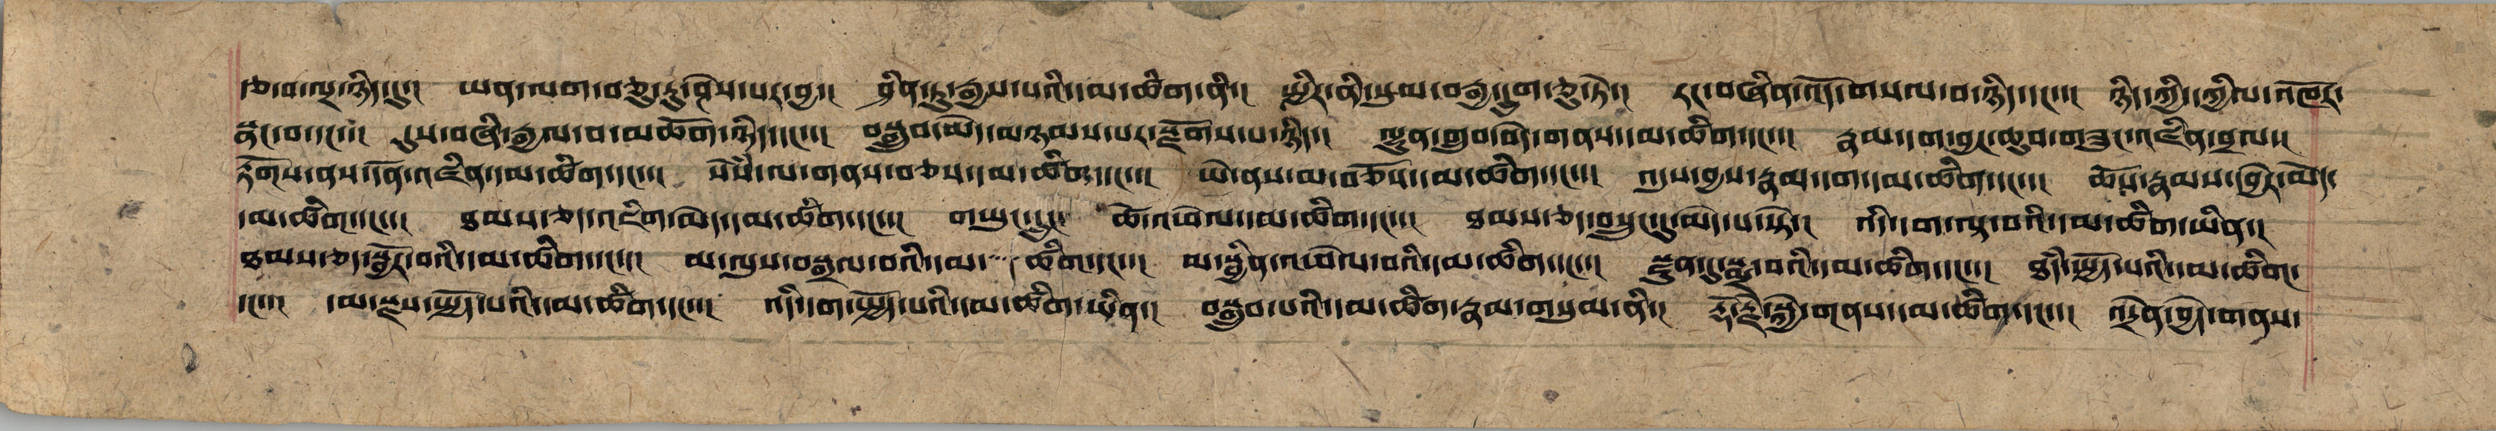རྩ་བ་ལྔ་ཉིད་དུ་། ཡན་ལག་བཅུ་རུ་ཤེས་པར་བྱ་། ཤིན་ཏུ་རྒྱས་པའི་དམ་ཚིག་ནི་། སྤྱིར་ནི་སུམ་བརྒྱ་དྲུག་ཅུ་ཏེ་། རང་བཞིན་འོད་གསལ་བ་ཉིད་དང་་། ཉིད་ཀྱི་དཀྱིལ་འཁོར་
སྣང་བ་དང་་། དུས་བཞི་རྒྱལ་བ་མཆོག་ཉིད་དང་་། བསྒྲུབ་མེད་མཉམས་པར་སྫོགས་པ་ཉིད་། ལྷུན་གྲུབ་བདེ་གནས་དམ་ཚིག་དང་་། རྣམ་དག་བྱང་ཆུབ་གཟུང་འཛིན་བྲལ་།
རྟོགས་ནས་དོན་འཛིན་དམ་ཚིག་དང་་། སེཾས་ལ་གནས་བཅས་དམ་ཚིག་དང་་། ཡེ་ནས་མ་བཅོས་དམ་ཚིག་དང་་། འདུས་བྱས་རྣམ་དག་དམ་ཚིག་དང་་། ཆོས་རྣམས་དབྱེར་མེད་
དམ་ཚིག་དང་་། ཐམས་ཅད་འཇིག་མེད་དམ་ཚིག་དང་་། གཡུང་དྲུང་ ཚེ་འཕེལ་དམ་ཚིག་དང་་། ཐམས་ཅད་བསྲུང་དུ་མེད་པ་སྟེ་། འདི་དག་ལྟ་བའི་དམ་ཚིག་ཡིན་།
ཐམས་ཅད་སྦྱོར་བའི་དམ་ཚིག་དང་་། མ་ལུས་བསྒྲལ་བའི་དམ་་་ ་ཚིག་དང་་། མ་སྦྱིན་འཕེལ་བའི་དམ་ཚིག་དང་་། སྫུན་དུ་སྨྲ་བའི་དམ་ཚིག་དང་་། ཐཾད་སྤྱོད་པའི་དམ་ཚིག་
དང་་། དམ་སྫས་སྤྱོད་པའི་དམ་ཚིག་དང་་། འདི་དག་སྤྱོད་པའི་དམ་ཚིག་ཡིན་། བསྒྲུབ་པའི་དམ་ཚིག་རྣམ་གསུམ་ནི་། རྡོ་རྗེ་སྐྱེ་གནས་དམ་ཚིག་དང་་། འདྲེན་བྱེད་གནས་